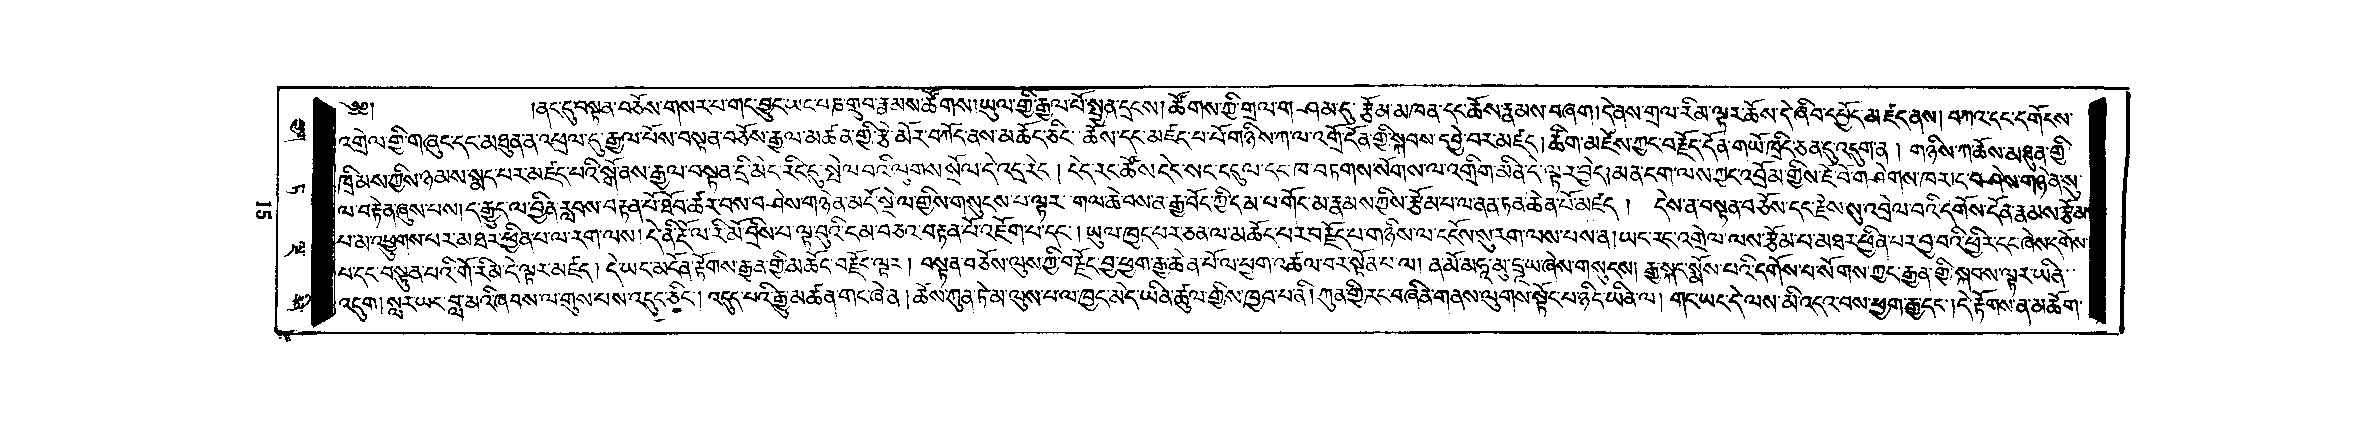༄༅། །ནང་དུ་བསྟན་བཅོས་གསར་པ་གང་བྱུང་ཡང་པཎ་གྲུབ་རྣམས་ཚོགས། ཡུལ་གྱི་རྒྱལ་པོ་སྤྱན་དྲངས། ཚོགས་ཀྱི་གྲལ་གཤམ་དུ་རྩོམ་མཁན་དང་ཆོས་རྣམས་བཞག །དེ་ནས་གྲལ་རིམ་ལྟར་ཆོས་དེ་ཞིབ་དཔྱོད་མཛད་ནས། བཀའ་དང་དགོངས་
འགྲེལ་གྱི་གཞུང་དང་མཐུན་ན་འཕྲལ་དུ་རྒྱལ་པོས་བསྟན་བཅོས་རྒྱལ་མཚན་གྱི་རྩེ་མོར་བཀོད་ནས་མཆོད་ཅིང་ཆོས་དང་མཛད་པ་པོ་གཉིས་ཀ་ལ་འགྲོ་དོན་གྱི་སྐབས་དབྱེ་བར་མཛད། ཚིག་མཛེས་ཀྱང་བརྗོད་དོན་གཡོ་ཁྲིད་ཅན་དུ་འདུག་ན། གཉིས་ཀ་ཆོས་མཐུན་གྱི་
ཁྲིམས་ཀྱིས་ཉམས་སྨད་པར་མཛད་པའི་སྒོ་ནས་རྒྱལ་བསྟན་དྲི་མེད་རིང་དུ་སྤེལ་བའི་ལུགས་སྲོལ་དེ་འདྲ་རེད། ངེད་རང་ཚོས་དེང་སང་དངུལ་དང་ཁ་བཏགས་སོགས་ལ་འགྲིག་མིན་དེ་ལྟར་བྱེད། མན་ངག་ལས་ཀྱང་འབྲོམ་གྱིས་ཇོ་བོ་གཤེགས་ཁར། ད་བཤེས་གཉེན་སུ་
ལ་བརྟེན་ཞུས་པས། ད་རྒྱུད་ལ་བྱིན་རླབས་བརྟན་པོ་ཐོབ་ཚར་བས་བཤེས་གཉེན་མདོ་སྡེ་ལ་གྱིས་གསུངས་པ་ལྟར་གལ་ཆེ་བས་ན་རྒྱ་བོད་ཀྱི་དམ་པ་གོང་མ་རྣམས་ཀྱིས་རྩོམ་པ་ལ་ནན་ཏན་ཆེན་པོ་མཛད། དེས་ན་བསྟན་བཅོས་དང་རྗེས་སུ་འབྲེལ་བའི་དགོས་དོན་རྣམས་རྩོམ་
པ་མ་འཕྱུགས་པར་མཐར་ཕྱིན་པ་ལ་རག་ལས། དེ་ནི་རྡོ་ལ་རི་མོ་བྲིས་པ་ལྟ་བུའི་དམ་བཅའ་བརྟན་པོ་འཇོག་པ་དང་། ཡུལ་ཁྱད་པར་ཅན་ལ་མཆོད་པར་བརྗོད་པ་གཉིས་ལ་དངོས་སུ་རག་ལས་པས་ན། ཡང་རང་འགྲེལ་ལས་རྩོམ་པ་མཐར་ཕྱིན་པར་བྱ་བའི་ཕྱིར་དང་ཞེས་དགོས་
པ་དང་བསྟུན་པའི་གོ་རིམ་དེ་ལྟར་མཛད། དེ་ཡང་མངོན་རྟོགས་རྒྱན་གྱི་མཆོད་བརྗོད་ལྟར། བསྟན་བཅོས་ལུས་ཀྱི་བརྗོད་བྱ་ཕྱག་རྒྱ་ཆེན་པོ་ལ་ཕྱག་འཚལ་བར་སྟོན་པ་ལ། ན་མོ་མཧཱ་མུ་དྲཱ་ཡ་ཞེས་གསུངས། རྒྱ་སྐད་སྨོས་པའི་དགོས་པ་སོགས་ཀྱང་རྒྱན་གྱི་སྐབས་ལྟར་ཡིན་
འདུག །སླར་ཡང་བླ་མའི་ཞབས་ལ་གུས་པས་འདུད་ཅིང་། འདུད་པའི་རྒྱུ་མཚན་གང་ཞེ་ན། ཆོས་ཀུན་ཏེ་མ་ལུས་པ་ལ་ཁྱད་མེད་ཡིན་ཚུལ་གྱིས་ཁྱབ་པ་ནི། ཀུན་གྱི་རང་བཞིན་གནས་ལུགས་སྟོང་པ་ཉིད་ཡིན་ལ། གང་ཡང་དེ་ལས་མི་འདའ་བས་ཕྱག་རྒྱ་དང་། དེ་རྟོགས་ན་མཆོག་